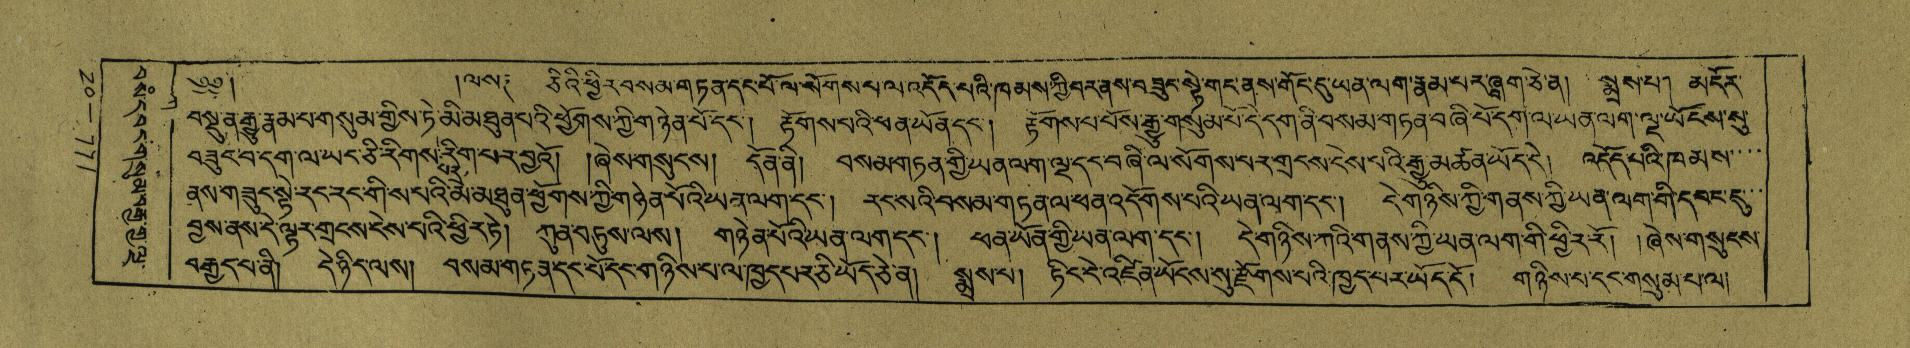༄༅། །ལས༑ ཅིའི་ཕྱིར་བསམ་གཏན་དང་པོ་ལ་སོགས་པ་ལ་འདོད་པའི་ཁམས་ཀྱི་བར་ནས་བཟུང་སྟེ་གང་ནས་གོང་དུ་ཡན་ལག་རྣམ་པར་བཞག་ཅེ་ན། སྨྲས་པ། མདོར་
བསྡུ་ན་རྒྱུ་རྣམ་པ་གསུམ་གྱིས་ཏེ་མི་མཐུན་པའི་ཕྱོགས་ཀྱི་གཉེན་པོ་དང་། རྟོགས་པའི་ཕན་ཡོན་དང་། རྟོགས་པ་པོས་རྒྱུ་གསུམ་པོ་དེ་དག་ནི་བསམ་གཏན་བཞི་པོ་དག་ལ་ཡན་ལག་ལྔ་ཡོངས་སུ་
བཟུང་བ་དག་ལ་ཡང་ཅི་རིགས་པར་རིག་པར་བྱའོ། །ཞེས་གསུངས། དོན་ནི། བསམ་གཏན་གྱི་ཡན་ལག་ལྔ་དང་བཞི་ལ་སོགས་པར་གྲངས་ངེས་པའི་རྒྱུ་མཚན་ཡོད་དེ། འདོད་པའི་ཁམས་
ནས་གཟུང་སྟེ་རང་རང་གི་ས་པའི་མེ་མཐུན་ཕྱོགས་ཀྱི་གཉེན་པོའི་ཡན་ལག་དང་། རང་སའི་བསམ་གཏན་ལ་ཕན་འདོགས་པའི་ཡན་ལག་དང་། དེ་གཉིས་ཀྱི་གནས་ཀྱི་ཡན་ལག་གི་དབང་དུ་
བྱས་ནས་དེ་ལྟར་གྲངས་ངེས་པའི་ཕྱིར་ཏེ། ཀུན་བཏུས་ལས། གཉེན་པོའི་ཡན་ལག་དང་། ཕན་ཡོན་གྱི་ཡན་ལག་དང་། དེ་གཉིས་ཀའི་གནས་ཀྱི་ཡན་ལག་གི་ཕྱིར་རོ། །ཞེས་གསུངས་
བརྒྱད་པ་ནི། དེ་ཉིད་ལས། བསམ་གཏན་དང་པོ་དང་གཉིས་པ་ཀ་ཁྱད་པར་ཅི་ཡོད་ཅེ་ན། སྨྲས་པ། ཏིང་ངེ་འཛིན་ཡོངས་སུ་རྫོགས་པའི་ཁྱད་པར་ཡོད་དོ། །གཉིས་པ་དང་གསུམ་པ་ལ།